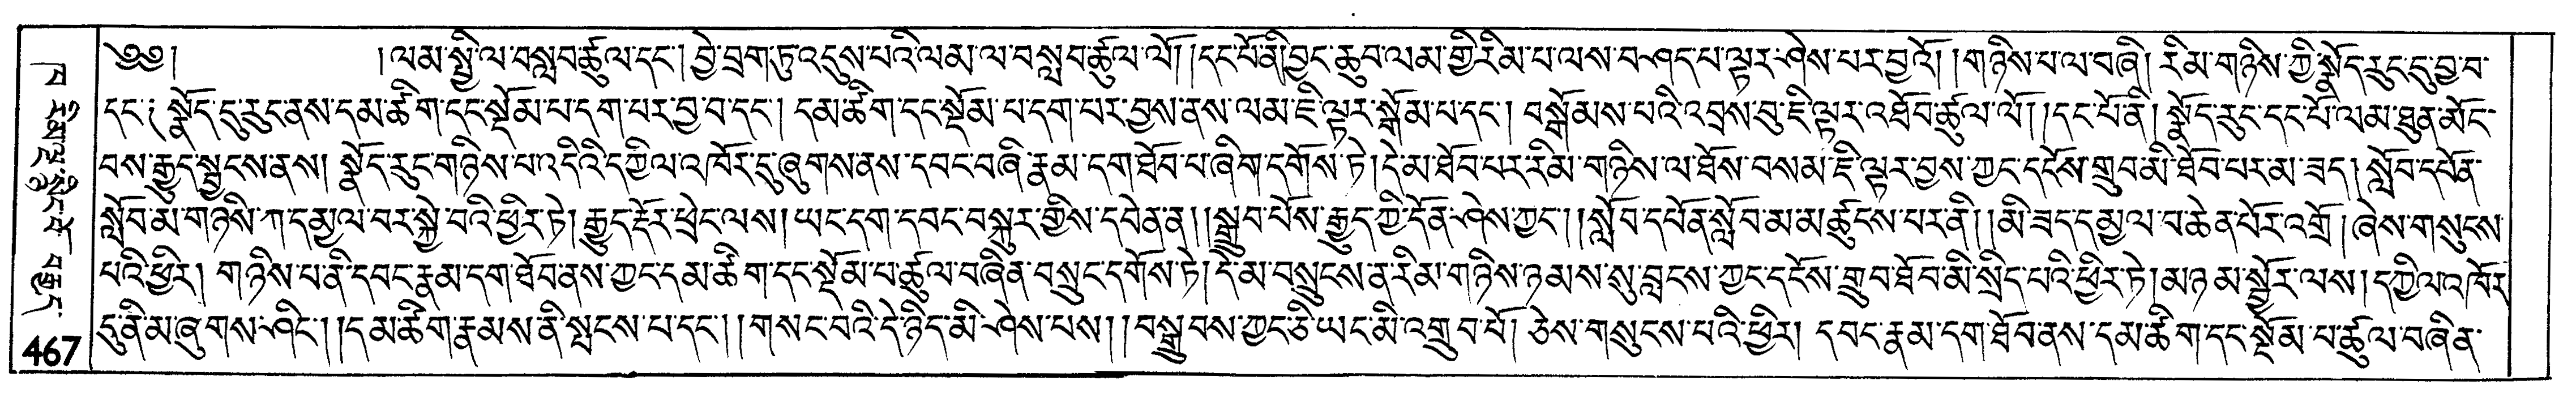༄༅། །ལམ་སྤྱི་ལ་བསླབ་ཚུལ་དང་། བྱེ་བྲག་ཏུ་འདུས་པའི་ལམ་ལ་བསླབ་ཚུལ་ལོ། །དང་པོ་ནི། བྱང་ཆུབ་ལམ་གྱི་རིམ་པ་ལས་བཤད་པ་ལྟར་ཤེས་པར་བྱའོ། །གཉིས་པ་ལ་བཞི། རིམ་གཉིས་ཀྱི་སྣོད་རུང་དུ་བྱ་བ་
དང༑ སྣོད་དུ་རུང་ནས་དམ་ཚིག་དང་སྡོམ་པ་དག་པར་བྱ་བ་དང་། དམ་ཚིག་དང་སྡོམ་པ་དག་པར་བྱས་ནས་ལམ་ཇི་ལྟར་སྒོམ་པ་དང་། བསྒོམས་པའི་འབྲས་བུ་ཇི་ལྟར་འཐོབ་ཚུལ་ལོ། །དང་པོ་ནི། སྣོད་རུང་དང་པོ་ལམ་ཐུན་མོང་
བས་རྒྱུད་སྦྱངས་ནས། སྣོད་རུང་གཉིས་པ་འདིའི་དཀྱིལ་འཁོར་དུ་ཞུགས་ནས་དབང་བཞི་རྣམ་དག་ཐོབ་པ་ཞིག་དགོས་ཏེ། དེ་མ་ཐོབ་པར་རིམ་གཉིས་ལ་ཐོས་བསམ་ཇི་ལྟར་བྱས་ཀྱང་དངོས་གྲུབ་མི་ཐོབ་པར་མ་ཟད། སློབ་དཔོན་
སློབ་མ་གཉིས་ཀ་དམྱལ་བར་སྐྱེ་བའི་ཕྱིར་ཏེ། རྒྱུད་རྡོར་ཕྲེང་ལས། ཡང་དག་དབང་བསྐུར་གྱིས་དབེན་ན། །སྒྲུབ་པོས་རྒྱུད་ཀྱི་དོན་ཤེས་ཀྱང་། །སློབ་དཔོན་སློབ་མ་མཚུངས་པར་ནི། །མི་ཟད་དམྱལ་བ་ཆེན་པོར་འགྲོ། ཞེས་གསུངས་
པའི་ཕྱིར། གཉིས་པ་ནི་དབང་རྣམ་དག་ཐོབ་ནས་ཀྱང་དམ་ཚིག་དང་སྡོམ་པ་ཚུལ་བཞིན་བསྲུང་དགོས་ཏེ། དེ་མ་བསྲུངས་ན་རིམ་གཉིས་ཉམས་སུ་བླངས་ཀྱང་དངོས་གྲུབ་ཐོབ་མི་སྲིད་པའི་ཕྱིར་ཏེ། མཉམ་སྦྱོར་ལས། དཀྱིལ་འཁོར་
དུ་ནི་མ་ཞུགས་ཤིང་། །དམ་ཚིག་རྣམས་ནི་སྤངས་པ་དང་། །གསང་བའི་དེ་ཉིད་མི་ཤེས་པས། །བསྒྲུབས་ཀྱང་ཅི་ཡང་མི་འགྲུབ་བོ། ཅེས་གསུངས་པའི་ཕྱིར། དབང་རྣམ་དག་ཐོབ་ནས་དམ་ཚིག་དང་སྡོམ་པ་ཚུལ་བཞིན་